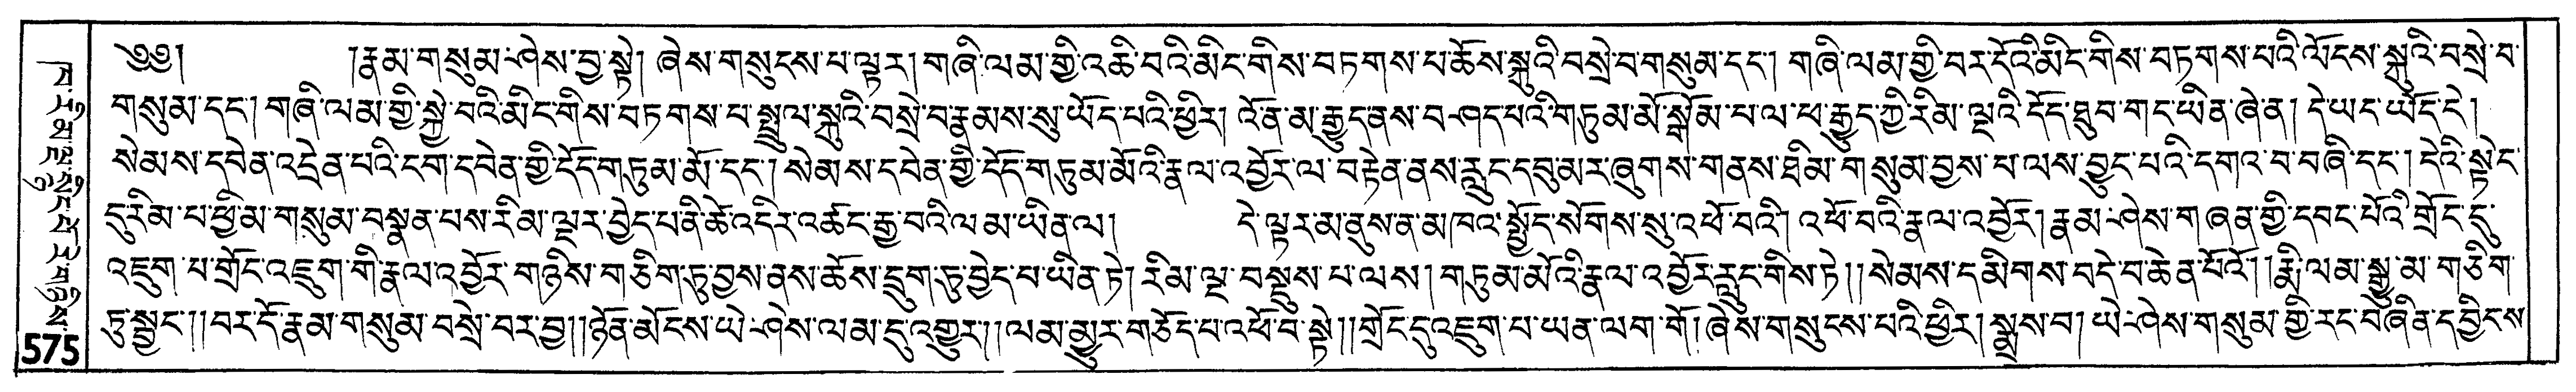༄༅། །རྣམ་གསུམ་ཤེས་བྱ་སྟེ། ཞེས་གསུངས་པ་ལྟར། གཞི་ལམ་གྱི་འཆི་བའི་མིང་གིས་བཏགས་པ་ཆོས་སྐུའི་བསྲེ་བ་གསུམ་དང་། གཞི་ལམ་གྱི་བར་དོའི་མིང་གིས་བཏགས་པའི་ལོངས་སྐུའི་བསྲེ་བ་
གསུམ་དང་། གཞི་ལམ་གྱི་སྐྱེ་བའི་མིང་གིས་བཏགས་པ་སྤྲུལ་སྐུའི་བསྲེ་བ་རྣམས་སུ་ཡོད་པའི་ཕྱིར། འོ་ན་མ་རྒྱུད་ནས་བཤད་པའི་གཏུམ་མོ་སྒོམ་པ་ལ་ཕ་རྒྱུད་ཀྱི་རིམ་ལྔའི་དོད་ཐུབ་གང་ཡིན་ཞེ་ན། དེ་ཡང་ཡོད་དེ།
སེམས་དབེན་འདྲེན་པའི་ངག་དབེན་གྱི་དོད་གཏུམ་མོ་དང་། སེམས་དབེན་གྱི་དོད་གཏུམ་མོའི་རྣལ་འབྱོར་ལ་བརྟེན་ནས་རླུང་དབུ་མར་ཞུགས་གནས་ཐིམ་གསུམ་བྱས་པ་ལས་བྱུང་བའི་དགའ་བ་བཞི་དང་། དེའི་སྟེང་
དུ་རིམ་པ་ཕྱི་མ་གསུམ་བསྣན་པས་རིམ་ལྔར་བྱེད་པ་ནི་ཚེ་འདིར་འཚང་རྒྱ་བའི་ལམ་ཡིན་ལ། དེ་ལྟར་མ་ནུས་ན་མཁའ་སྤྱོད་སོགས་སུ་འཕོ་བའི། འཕོ་བའི་རྣལ་འབྱོར། རྣམ་ཤེས་གཞན་གྱི་དབང་པོའི་གྲོང་དུ་
འཇུག་པ་གྲོང་འཇུག་གི་རྣལ་འབྱོར་གཉིས་གཅིག་ཏུ་བྱས་ནས་ཆོས་དྲུག་ཏུ་བྱེད་པ་ཡིན་ཏེ། རིམ་ལྔ་བསྡུས་པ་ལས། གཏུམ་མོའི་རྣལ་འབྱོར་རླུང་གིས་ཏེ། །སེམས་དམིགས་བདེ་བ་ཆེན་པོའོ། །རྨི་ལམ་སྒྱུ་མ་གཅིག་
ཏུ་སྦྱང་། །བར་དོ་རྣམ་གསུམ་བསྲེ་བར་བྱ། །ཉོན་མོངས་ཡེ་ཤེས་ལམ་དུ་འགྱུར། །ལམ་མྱུར་གཅོད་པ་འཕོ་བ་སྟེ། །གྲོང་དུ་འཇུག་པ་ཡན་ལག་གོ །ཞེས་གསུངས་པའི་ཕྱིར། སྨྲས་པ། ཡེ་ཤེས་གསུམ་གྱི་རང་བཞིན་དབྱིངས་